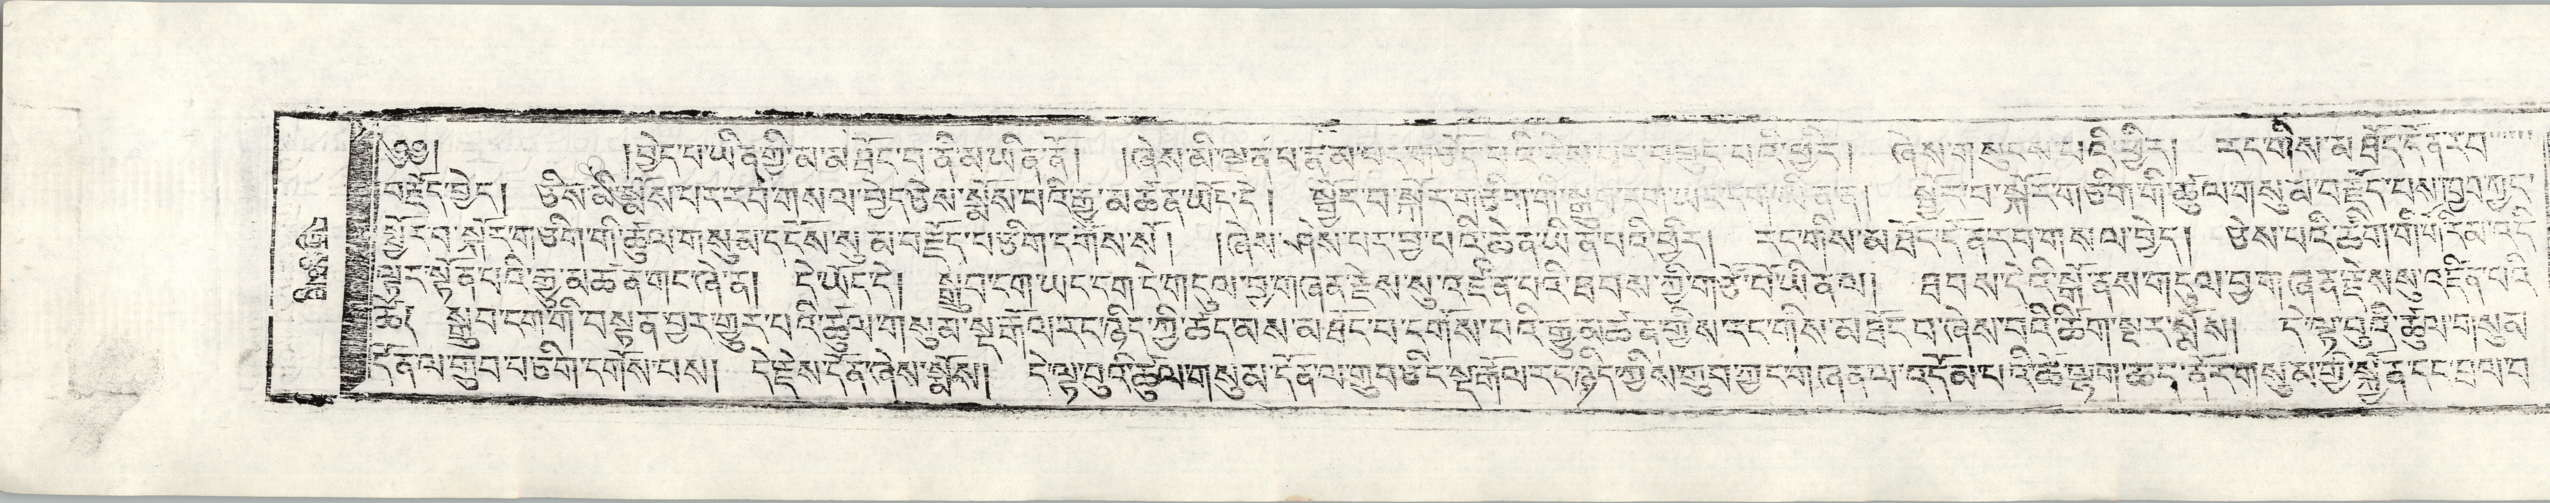བྱེད་པ་ཡིན་གྱི་མ་མཐོང་བ་ནི་མ་ཡིན་ནོ། །ཞེས་མི་ལྡན་པ་རྣམ་པར་གཅོད་པའི་ངེས་པར་བཟུང་
བའི་ཕྱིར། ཞེས་གསུངས་པའི་ཕྱིར། རང་གིས་མཐོང་དོན་རབ་བརྗོད་བྱེད། ཅེས་མི་སྨོས་པར་རབ་གསལ་བྱེད་ཅེས་སྨོས་པའི་རྒྱུ་མཚན་ཡོད་དེ། སྦྱོར་བ་སྐོར་གཅིག་གི་སྒྲུབ་ངག་ཡང་དག་ཡིན་ན། སྦྱོར་བ་སྐོར་གཅིག་གི་ཚུལ་གསུམ་བརྗོད་
པས་ཁྱབ་ཀྱང་། སྦྱོར་བ་སྐོར་གཅིག་གི་ཚུལ་གསུམ་དངོས་སུ་མ་བརྗོད་པ་ཞིག་དགོས་སོ། ཞེས་ཤེས་པར་བྱ་བའི་ཆེད་ཡིན་པའི་ཕྱིར། །རང་གིས་མཐོང་དོན་རབ་གསལ་བྱེད། ཅེས་པའི་ཚིག་གི་གོ་རིམ་འདི་ལྟར་སྟོན་པའི་རྒྱུ་མཚན་གང་ཞེན།དེ་ཡོད་དེ། སྒྲུབ་ངག་ཡང་དག་དེ་གདུལ་བྱ་གཞན་རྗེས་སུ་འཛིན་པའི་ཐབས་གྱི་གཙོ་བོ་ཡིན་ལ། ཐབས་དེའི་སྒོ་ནས་གདུལ་བྱ་གཞན་རྗེས་སུ་འཛིན་པའི་ཚེ། སྒྲུབ་ངག་གི་བསྟན་བྱར་གྱུར་བའི་ཚུལ་གསུམ་སྔ་རྒོལ་རང་ཉིད་ཀྱི་ཚད་མས་མཐོང་བ་དགོས་པའི་
རྒྱུ་མཚན་གྱིས་རང་གིས་མཐོང་བ་ཞེས་པའི་ཚིག་སྔར་སྨོས། དེ་ལྟ་བུའི་ཚུལ་གསུམ་དོན་ལ་གྲུབ་པ་ཞིག་དགོས་པས། དེ་རྗེས་དོན་ཞེས་སྨོས། དེ་ལྟ་བུའི་ཚུལ་གསུམ་དོན་ལ་གྲུབ་ཅིང་སྔ་རྒོལ་རང་ཉིད་ཀྱིས་གྲུབ་ཀྱང་གཞན་ལ་འདོམས་པའི་ཚེ་ལྷག་ཆད་ནོར་
གསུམ་གྱི་སྐྱོན་དང་བྲལ་བ་